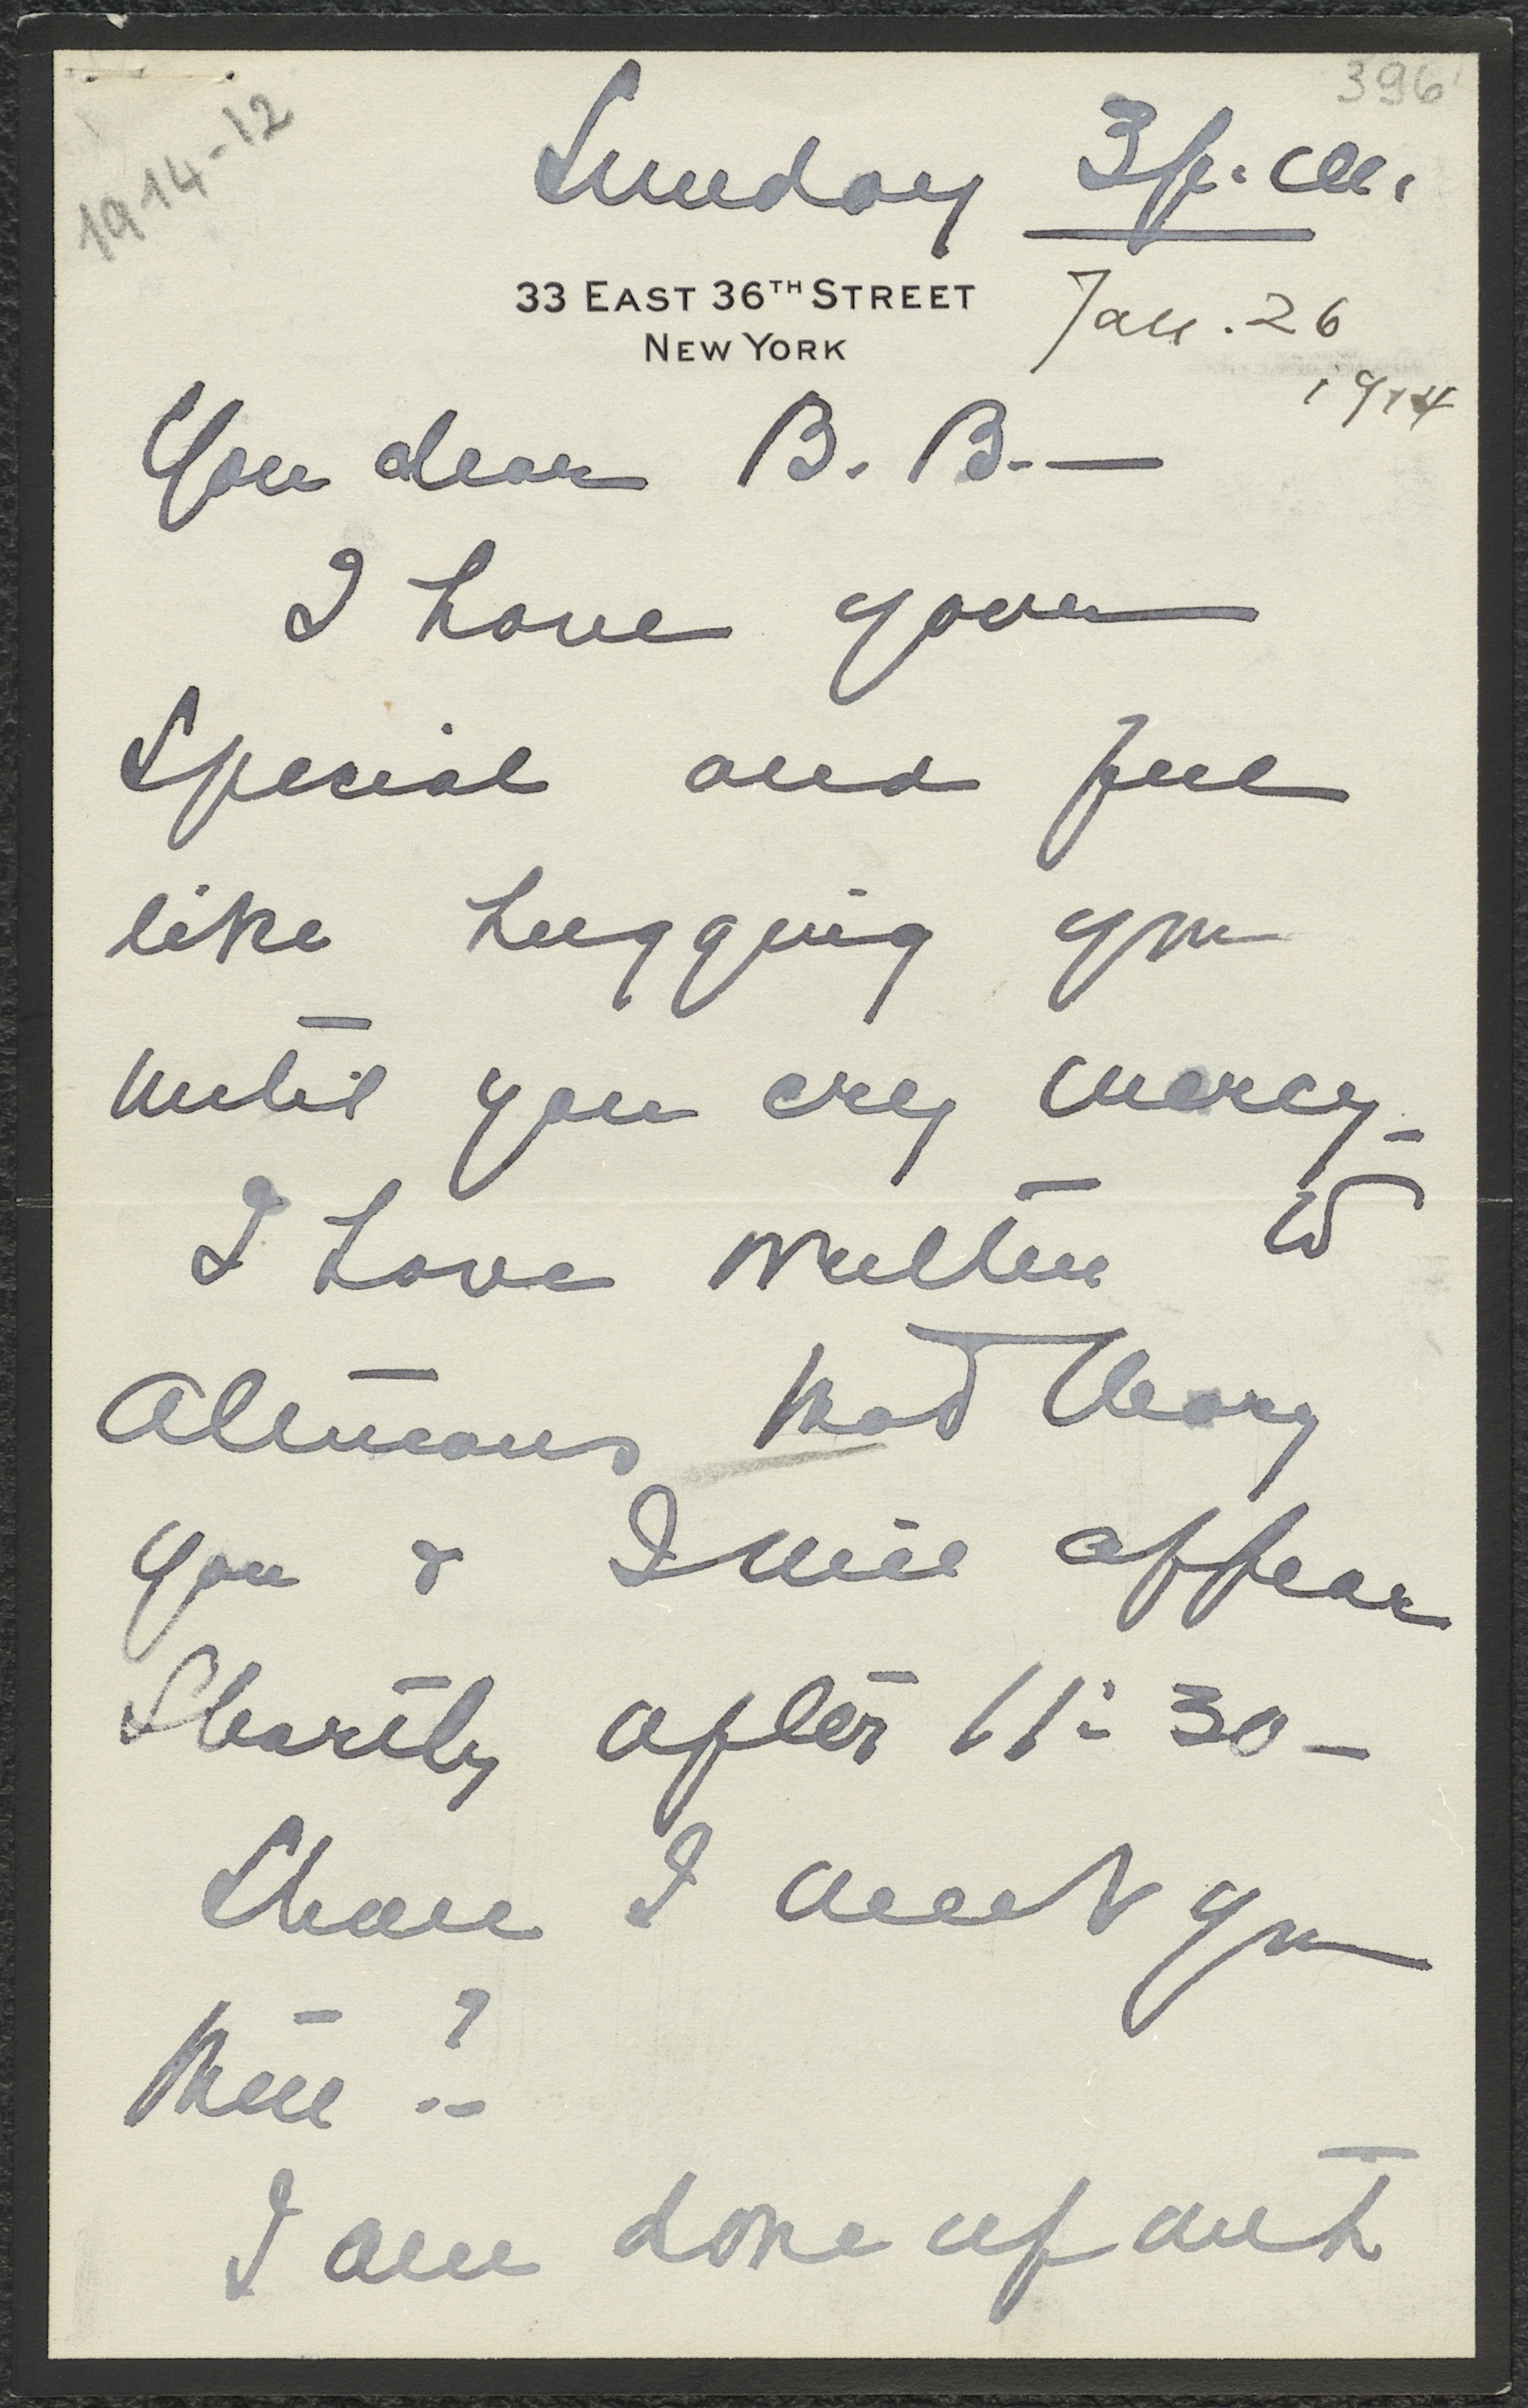Sunday 3 p.m.
You dear B.B. –
I have your special and feel like hugging you until you cry mercy –
I have written to Altmans that Mary you & I will appear shortly after 11:30 –
Shall I meet you there?
I am done up with